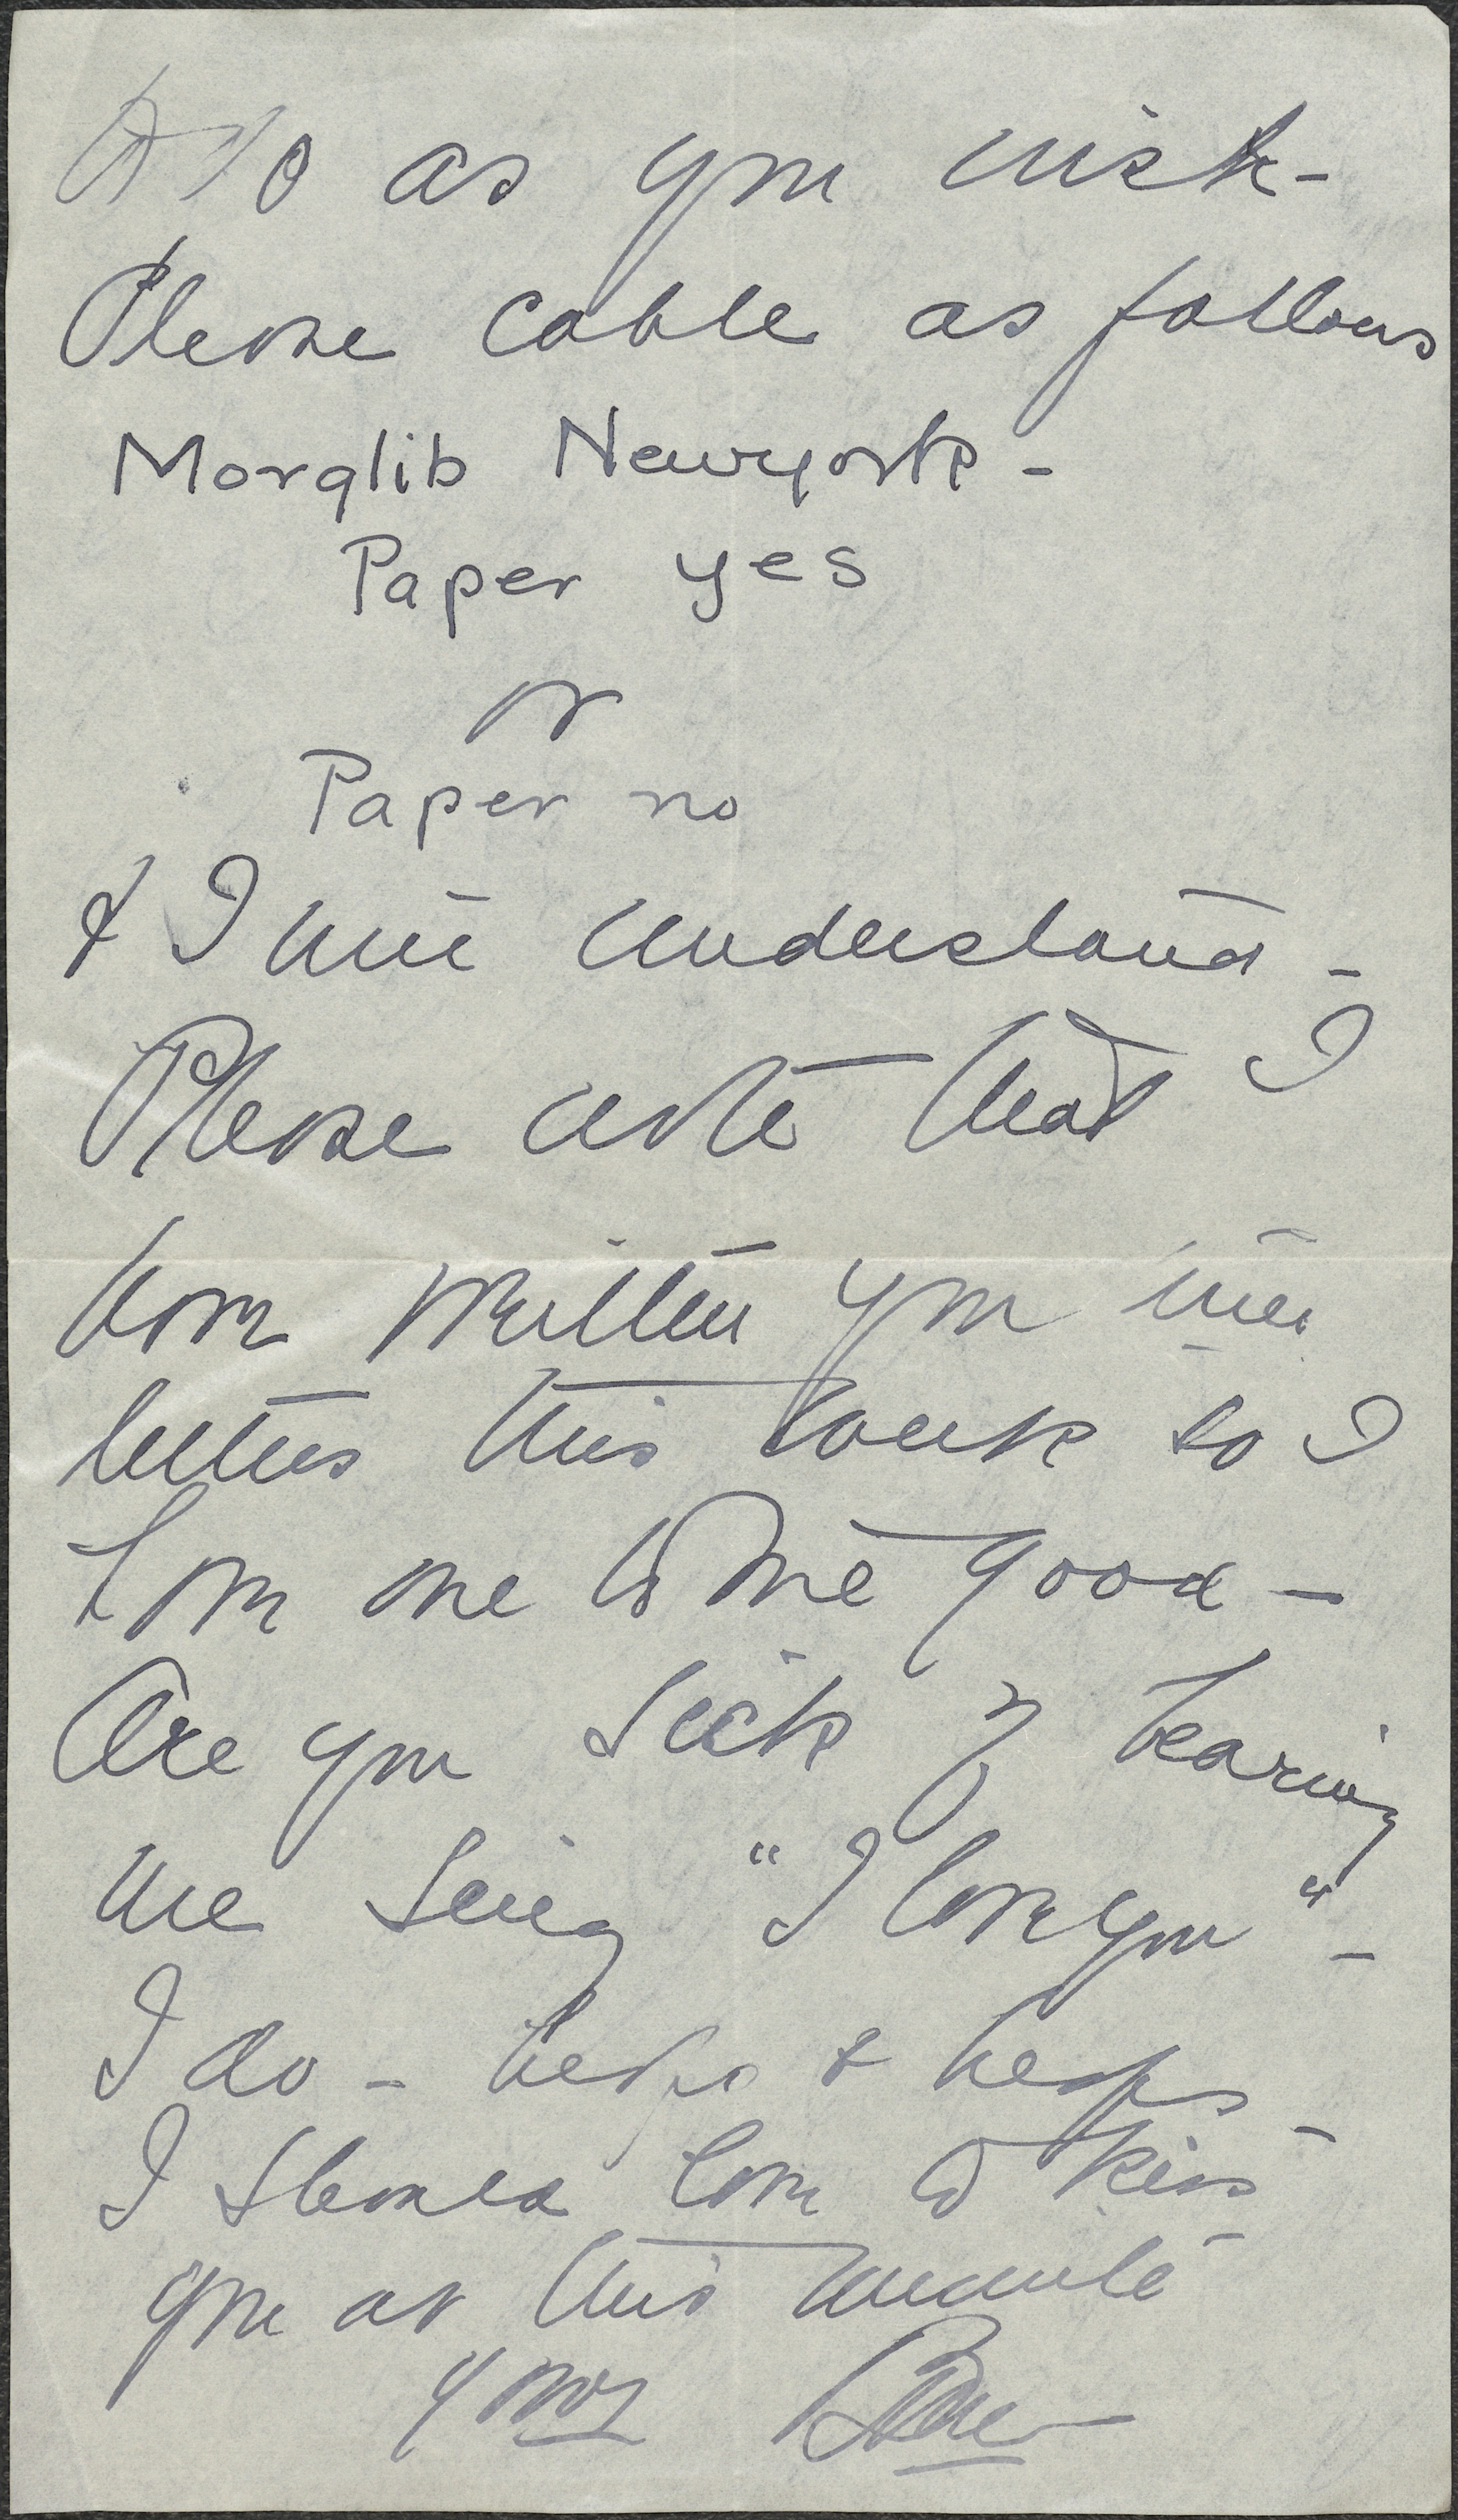to do as you wish – Please cable as follows
[in secretarial script: Morglib New York –
Paper yes]
or
[in secretarial script: Paper no]
+ I will understand – Please note that I have written you three letters this week so I have one to one [?] good – Are you sick of hearing me sing “I love you” – I do – heaps + heaps – I should love to kiss you at this minute
Yours Belle